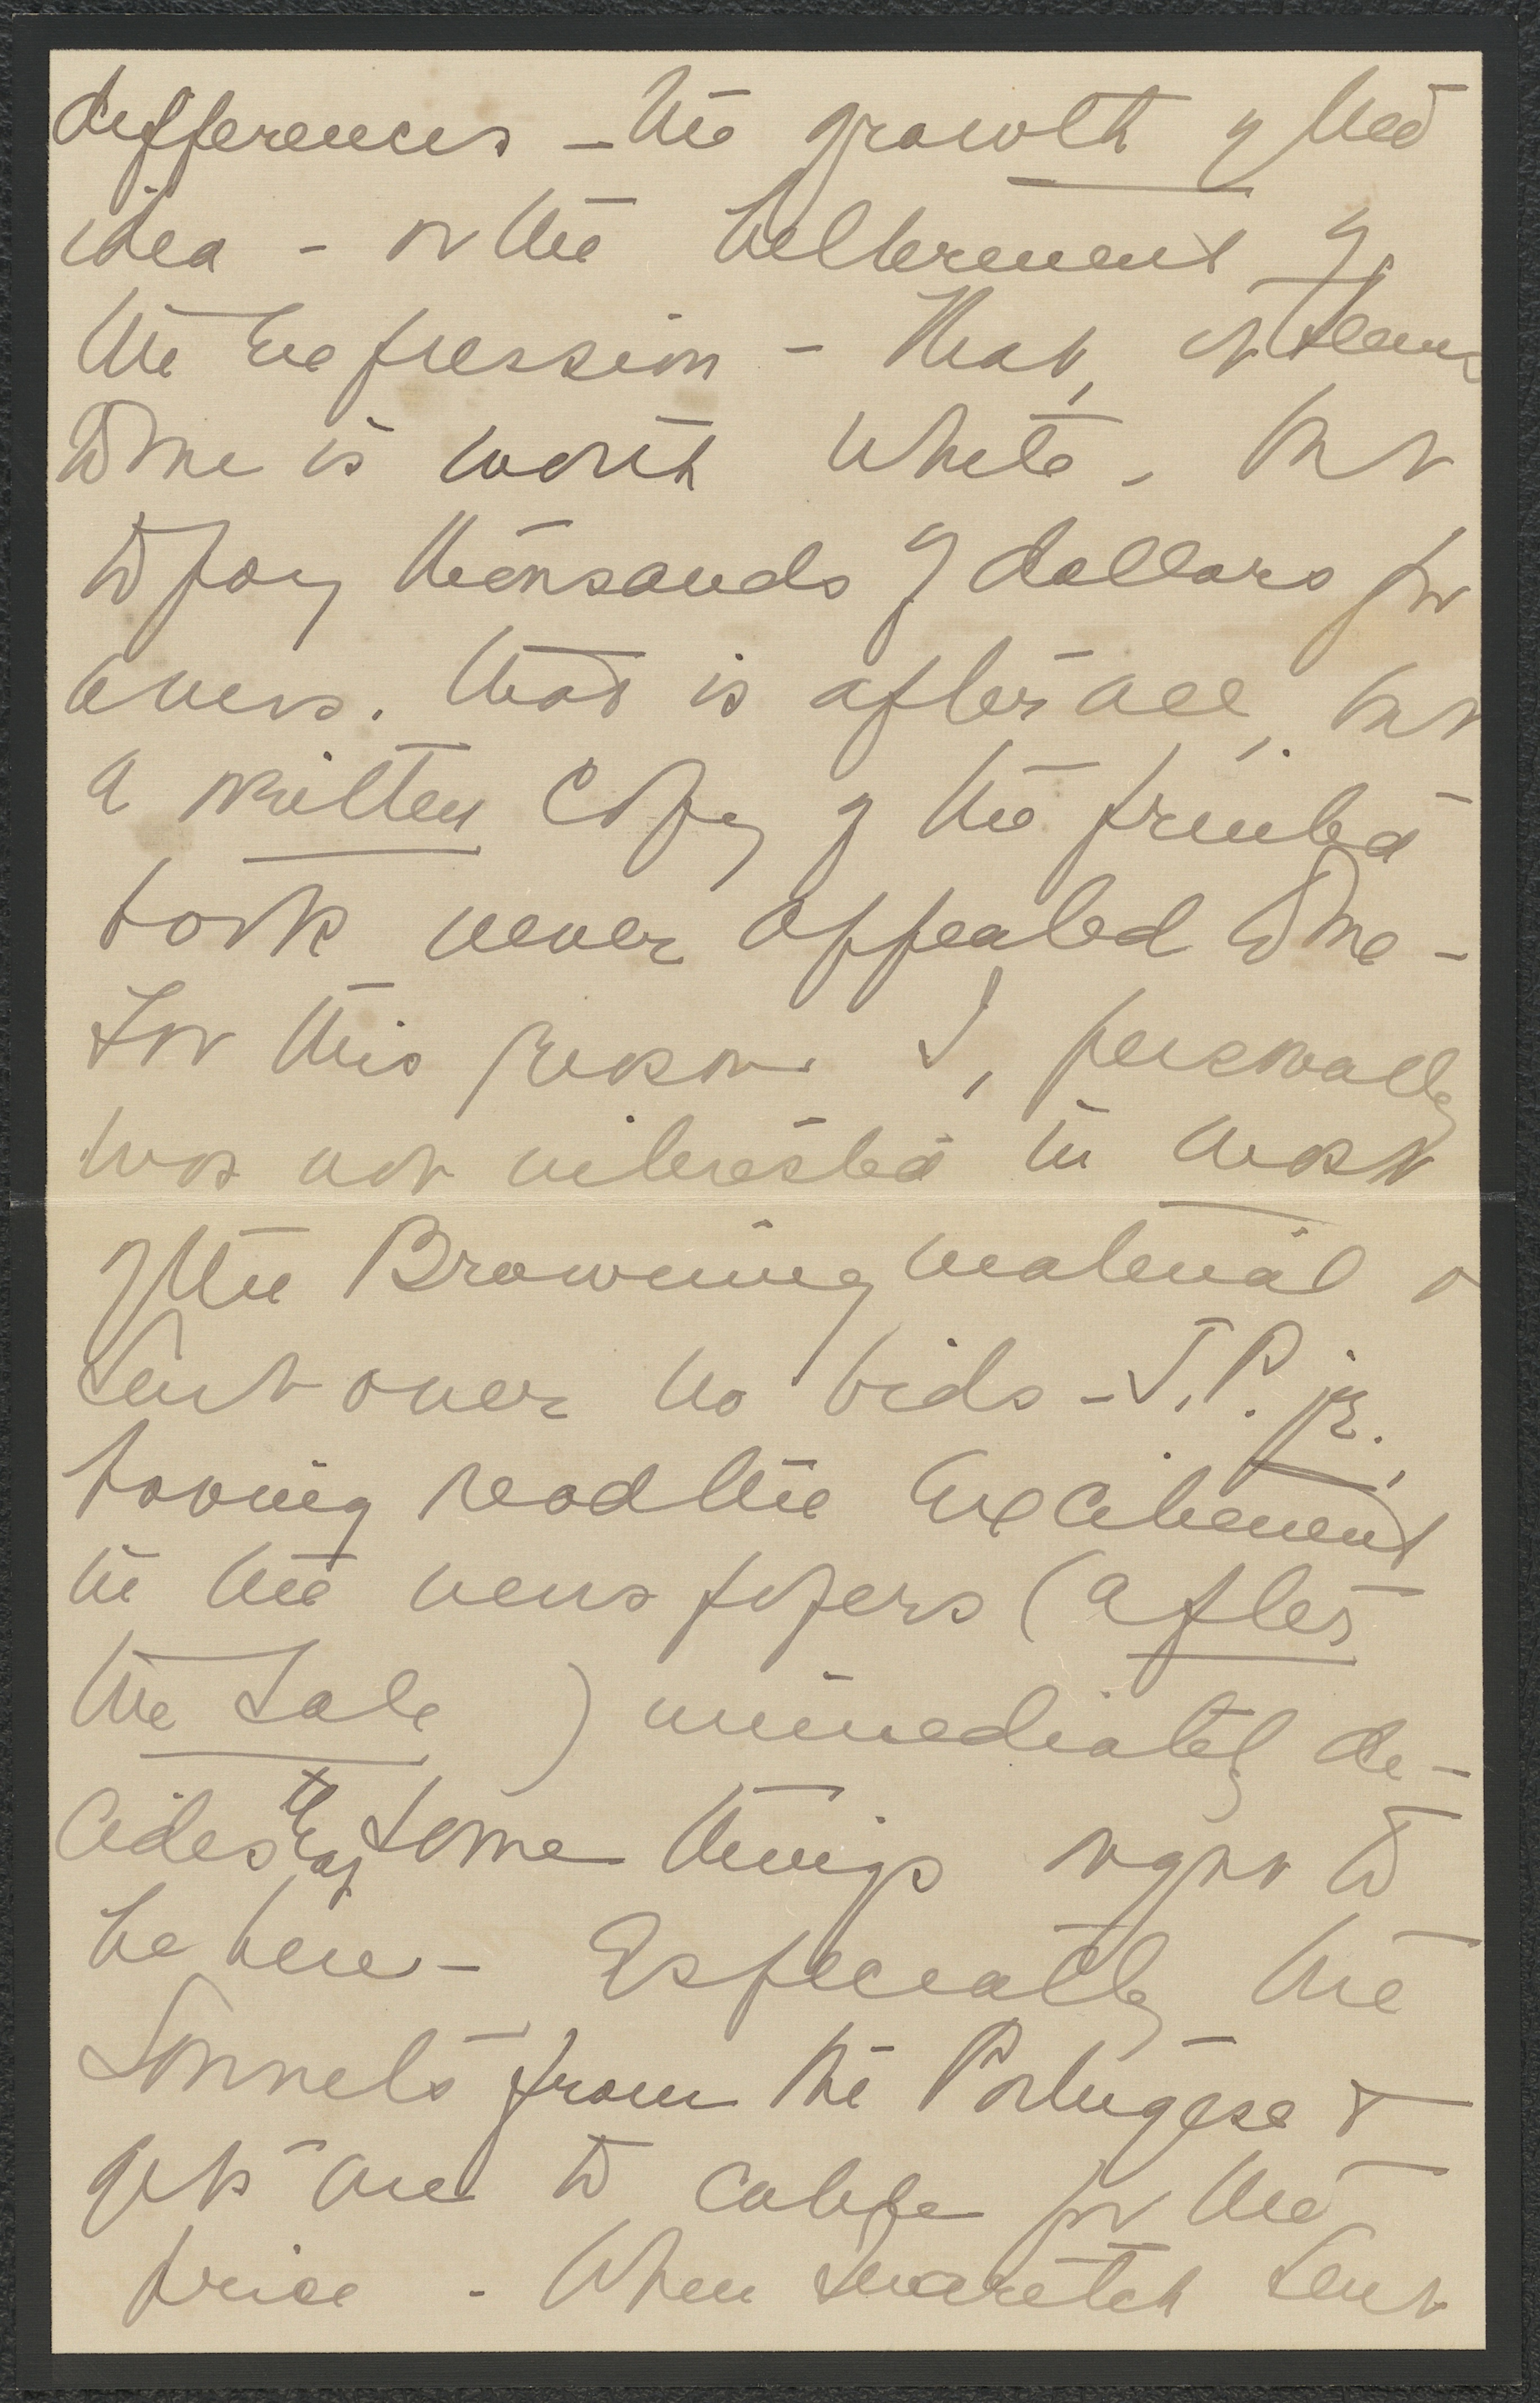differences – the growth of the idea – or the betterment of the expression – that, it seems to me is worth while, but to pay thousands of dollars for a mss. that is after all, but a written copy of the printed book never appealed to me – For this reason I, personally was not interested in most of the Browning material & sent over no bids – J. P. jr. having read the excitement in the newspapers (after the sale) immediately decides [^that^] some things ought to be here – Especially the Sonnets from the Portugese [sic] & gets me to cable for the price – when Quaritch sent